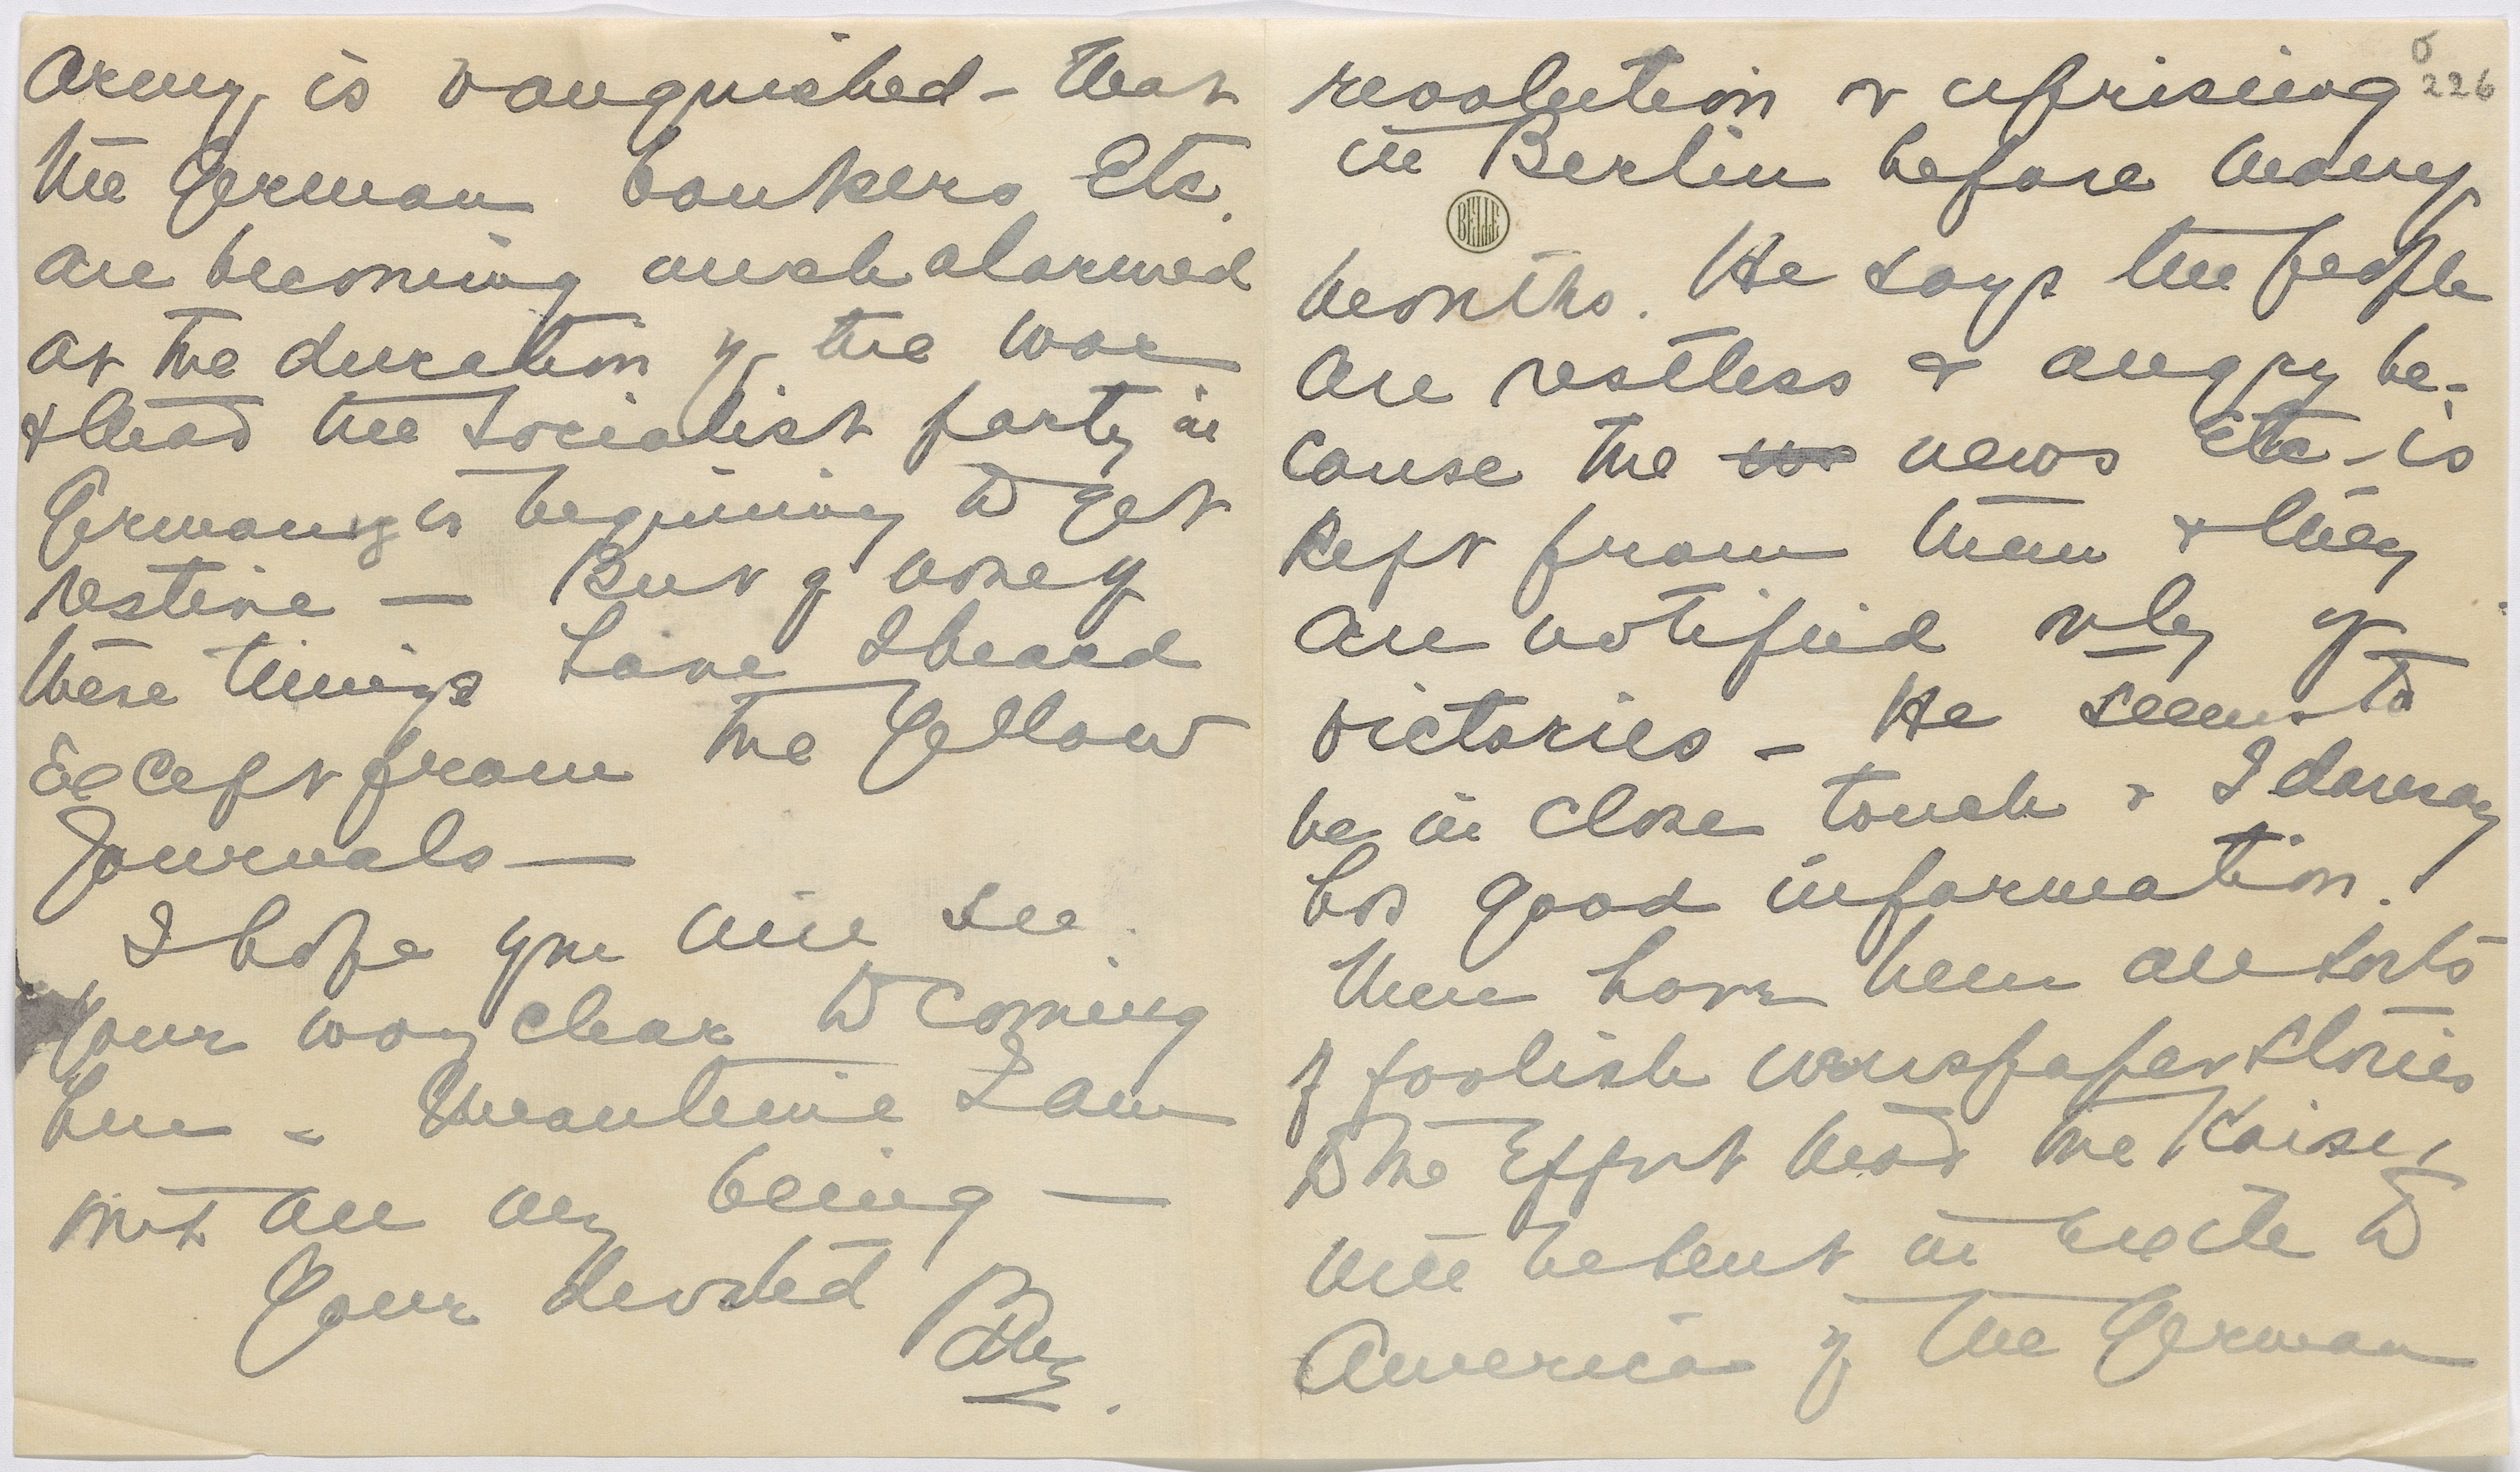revolution or uprising in Berlin before many months. He says the people are restless & angry because the [illegible deletion] news etc – is kept from them & they are notified only of victories – He seems to be in close touch & I daresay has good information. There have been all sorts of foolish newspaper stories to the effect that the Kaiser will be sent in exile to America if the German
Army is vanquished – that the German bankers etc. are becoming much alarmed at the duration of the war & that the Socialist party in Germany is beginning to get restive – But of none of these things have I heard except from the Yellow Journals –
I hope you will see your way clear to coming here – Meantime I am with all my being –
Your devoted
Belle.